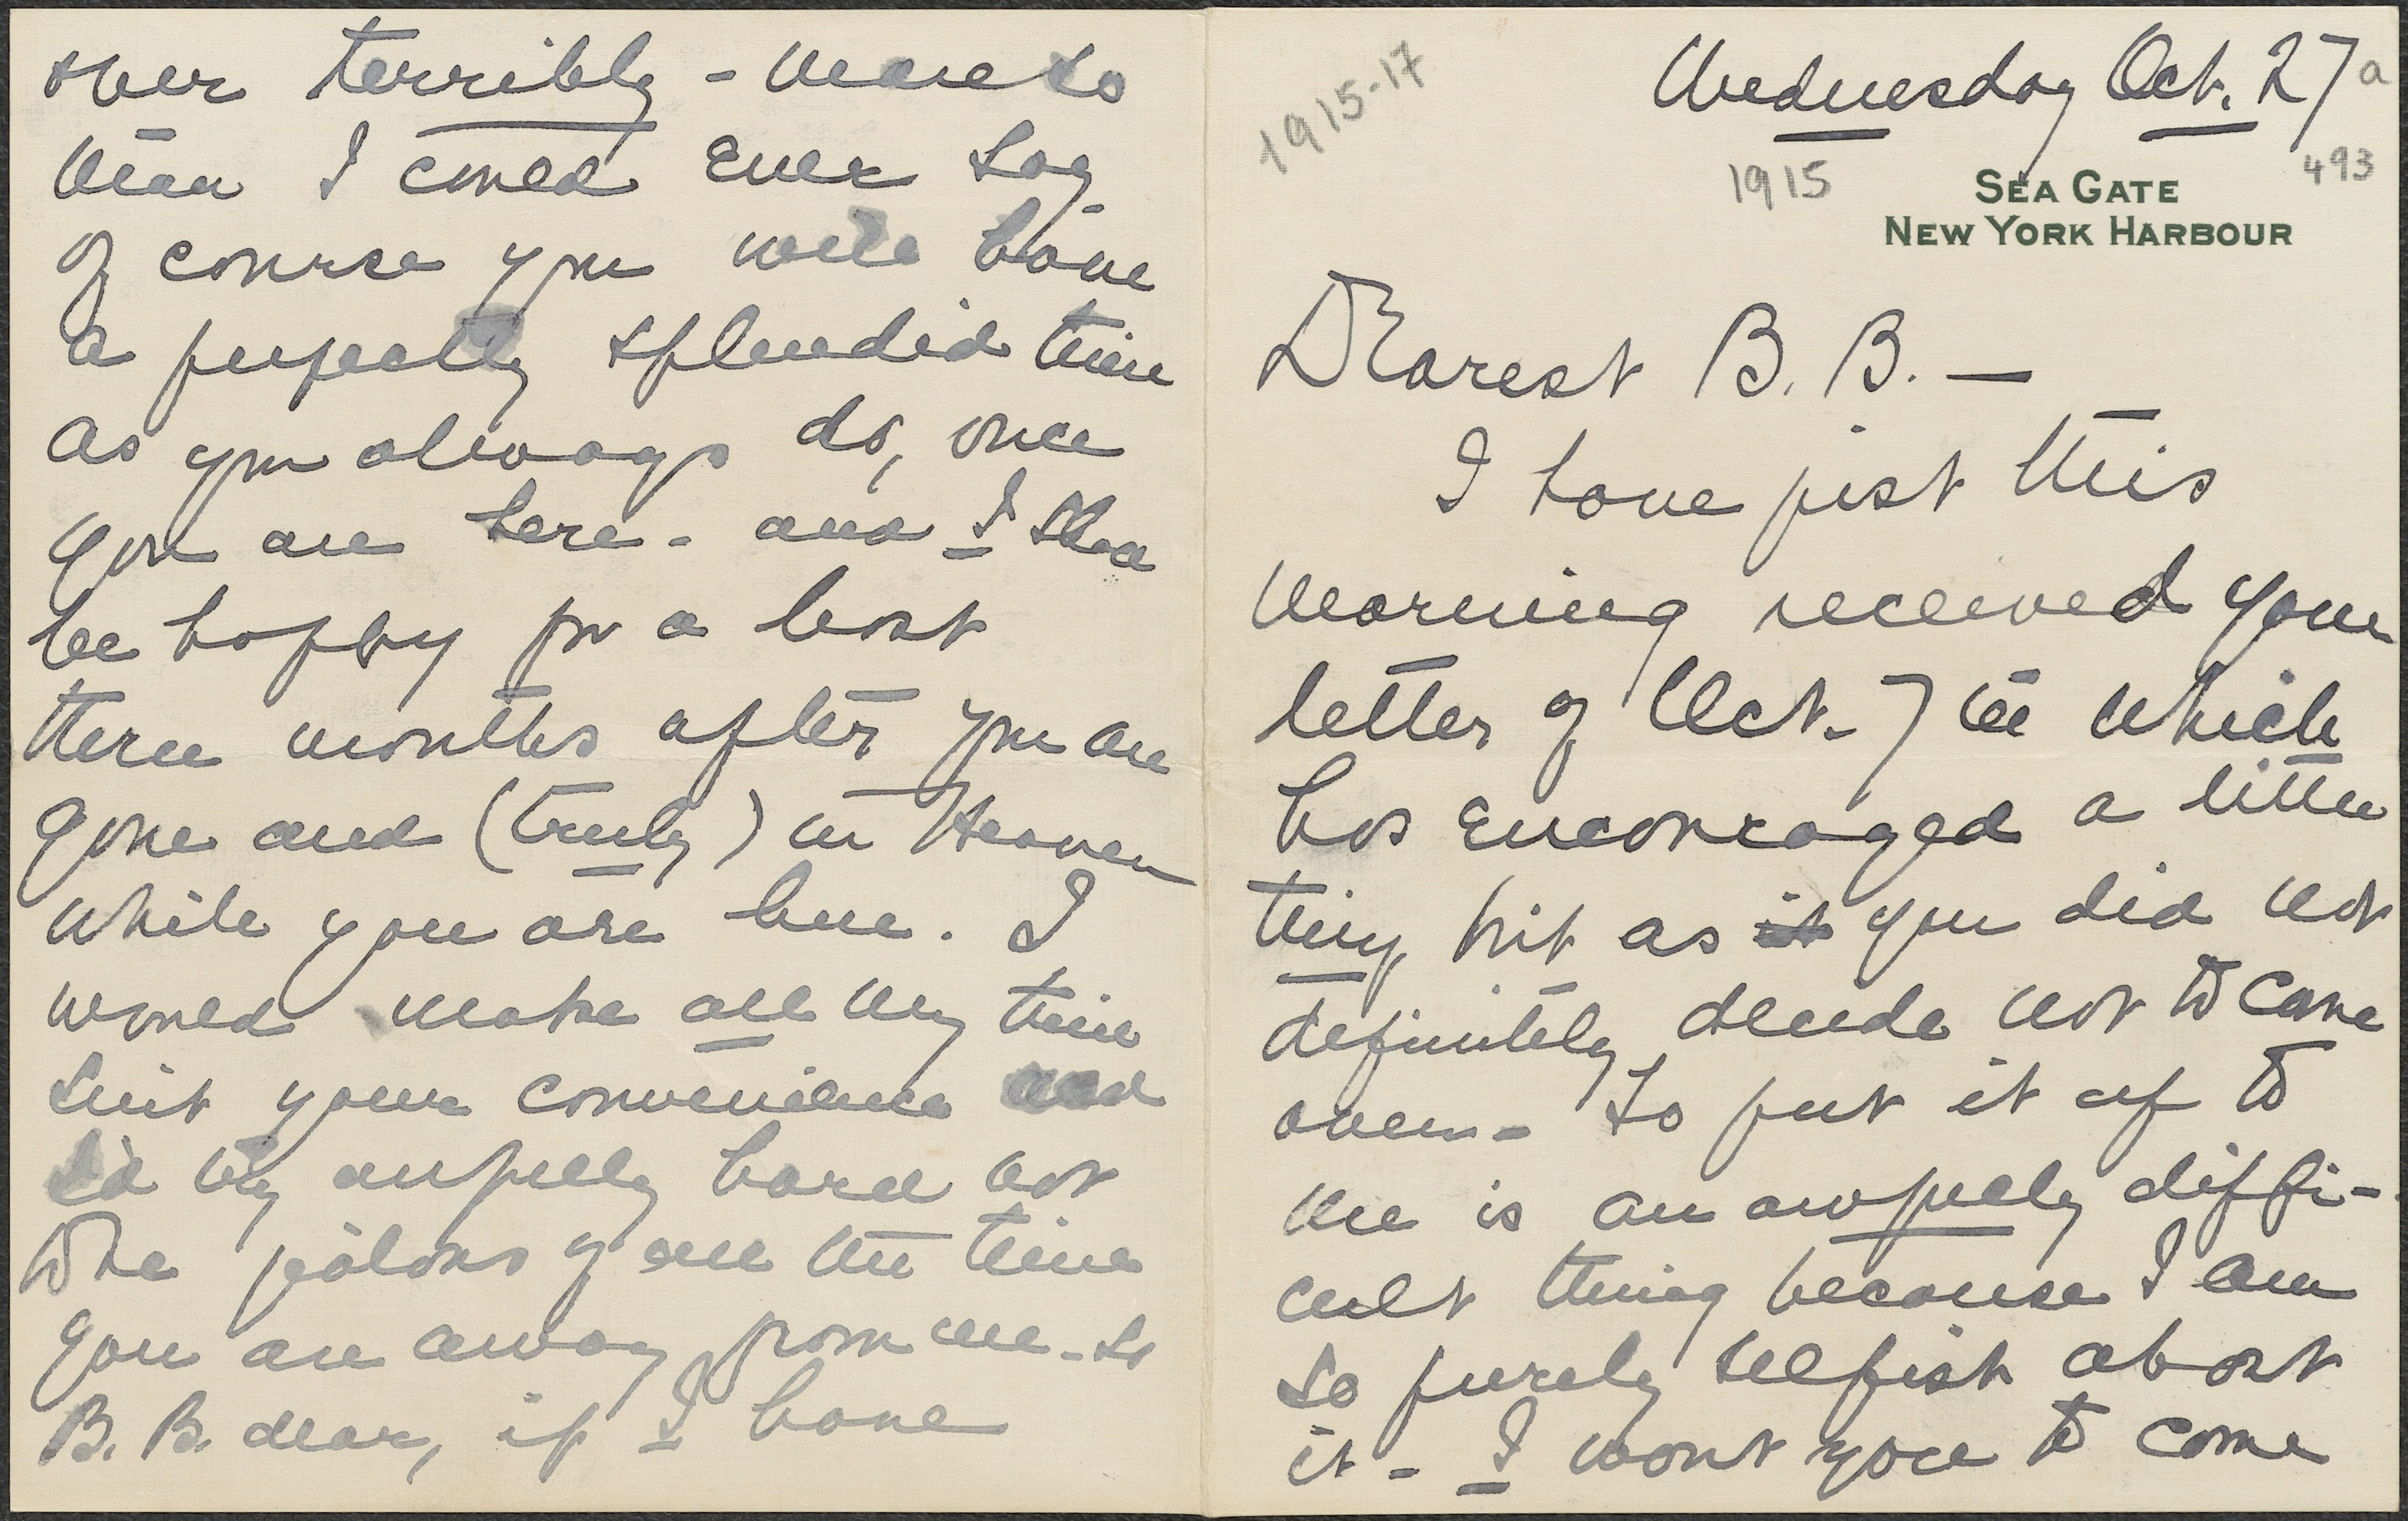Wednesday Oct. 27
Dearest B.B.–
I have just this morning received your letter of Oct. 7th which has encouraged a little tiny bit as it you did not definitely decide not to come over – To put it up to me is an awfully difficult thing because I am so purely selfish about it – I want you to come
over terribly – more so than I could ever say – of course you will have a perfectly splendid time as you always do, once you are here – and I shall be happy for a [sic] least three months after you are gone and (truly) in Heaven while you are here. I would make all my time suit your convenience and I'd try awfully hard not to be jealous of all the time you are away from me – So B.B. dear, if I have